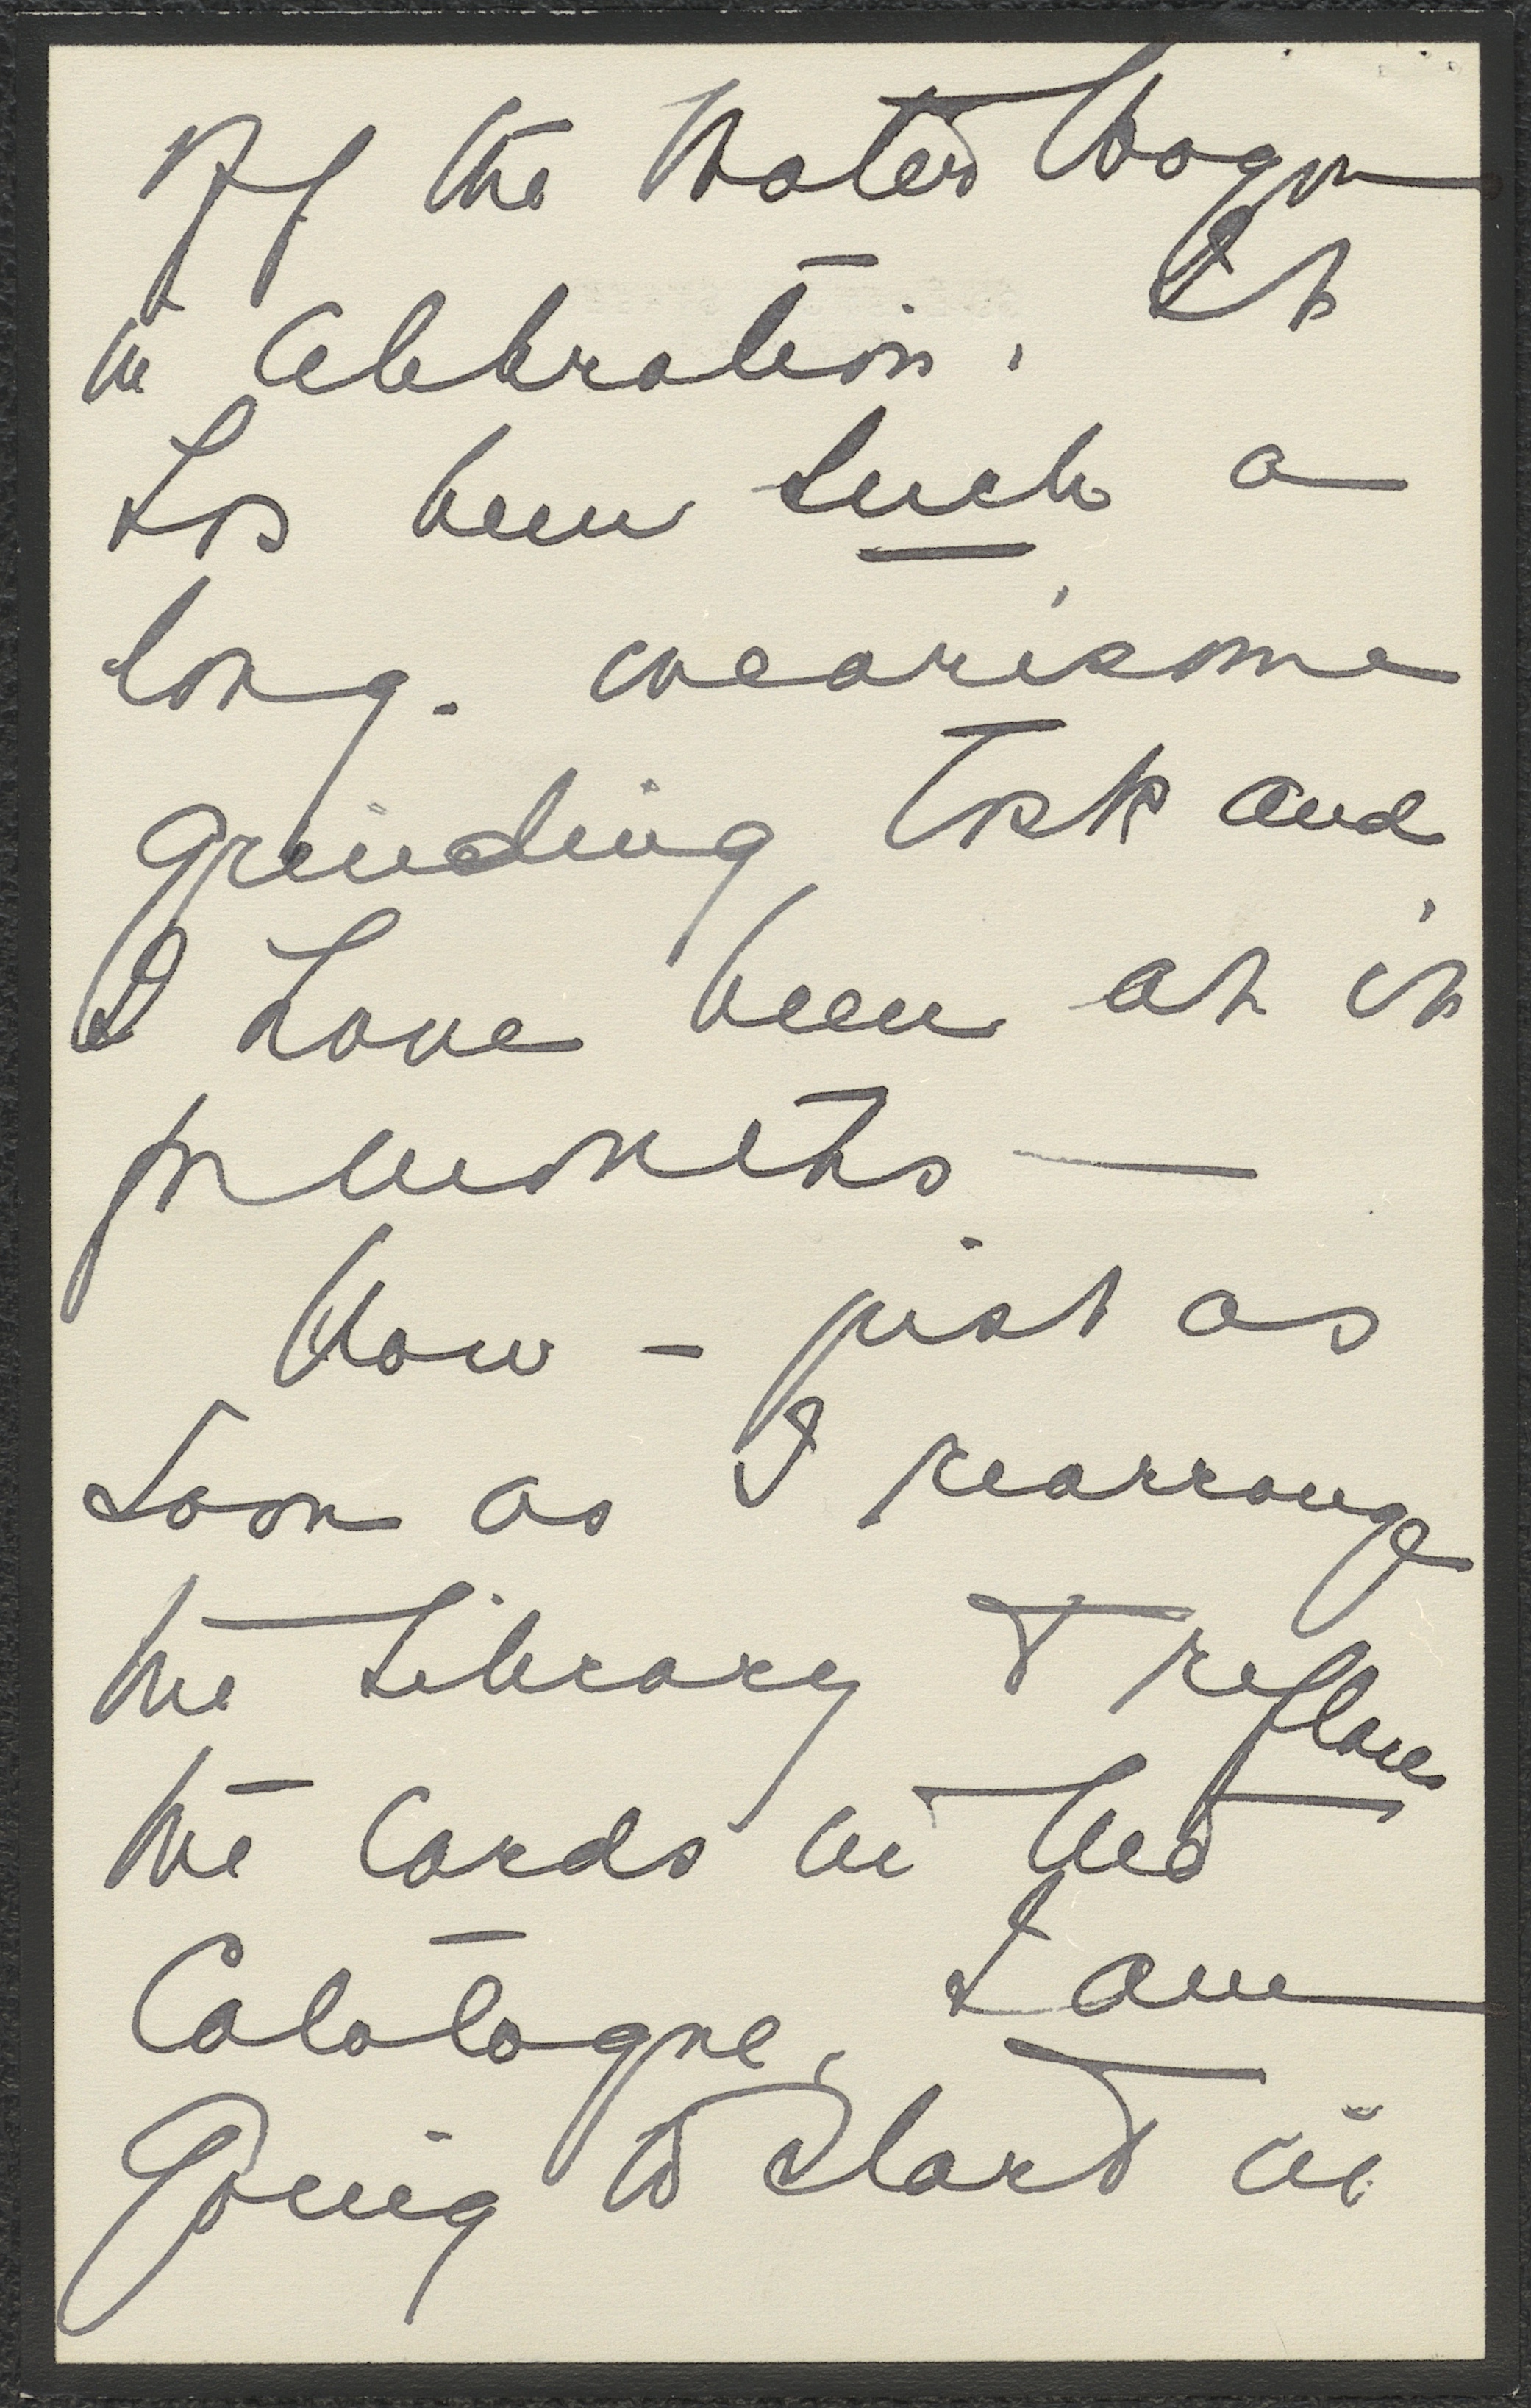off the Water Wagon in celebration. It has been such a long, wearisome grinding task and I have been at it for months –
Now – just as soon as I rearrange the Library & replace the cards in the Catalogue, I am going to start in